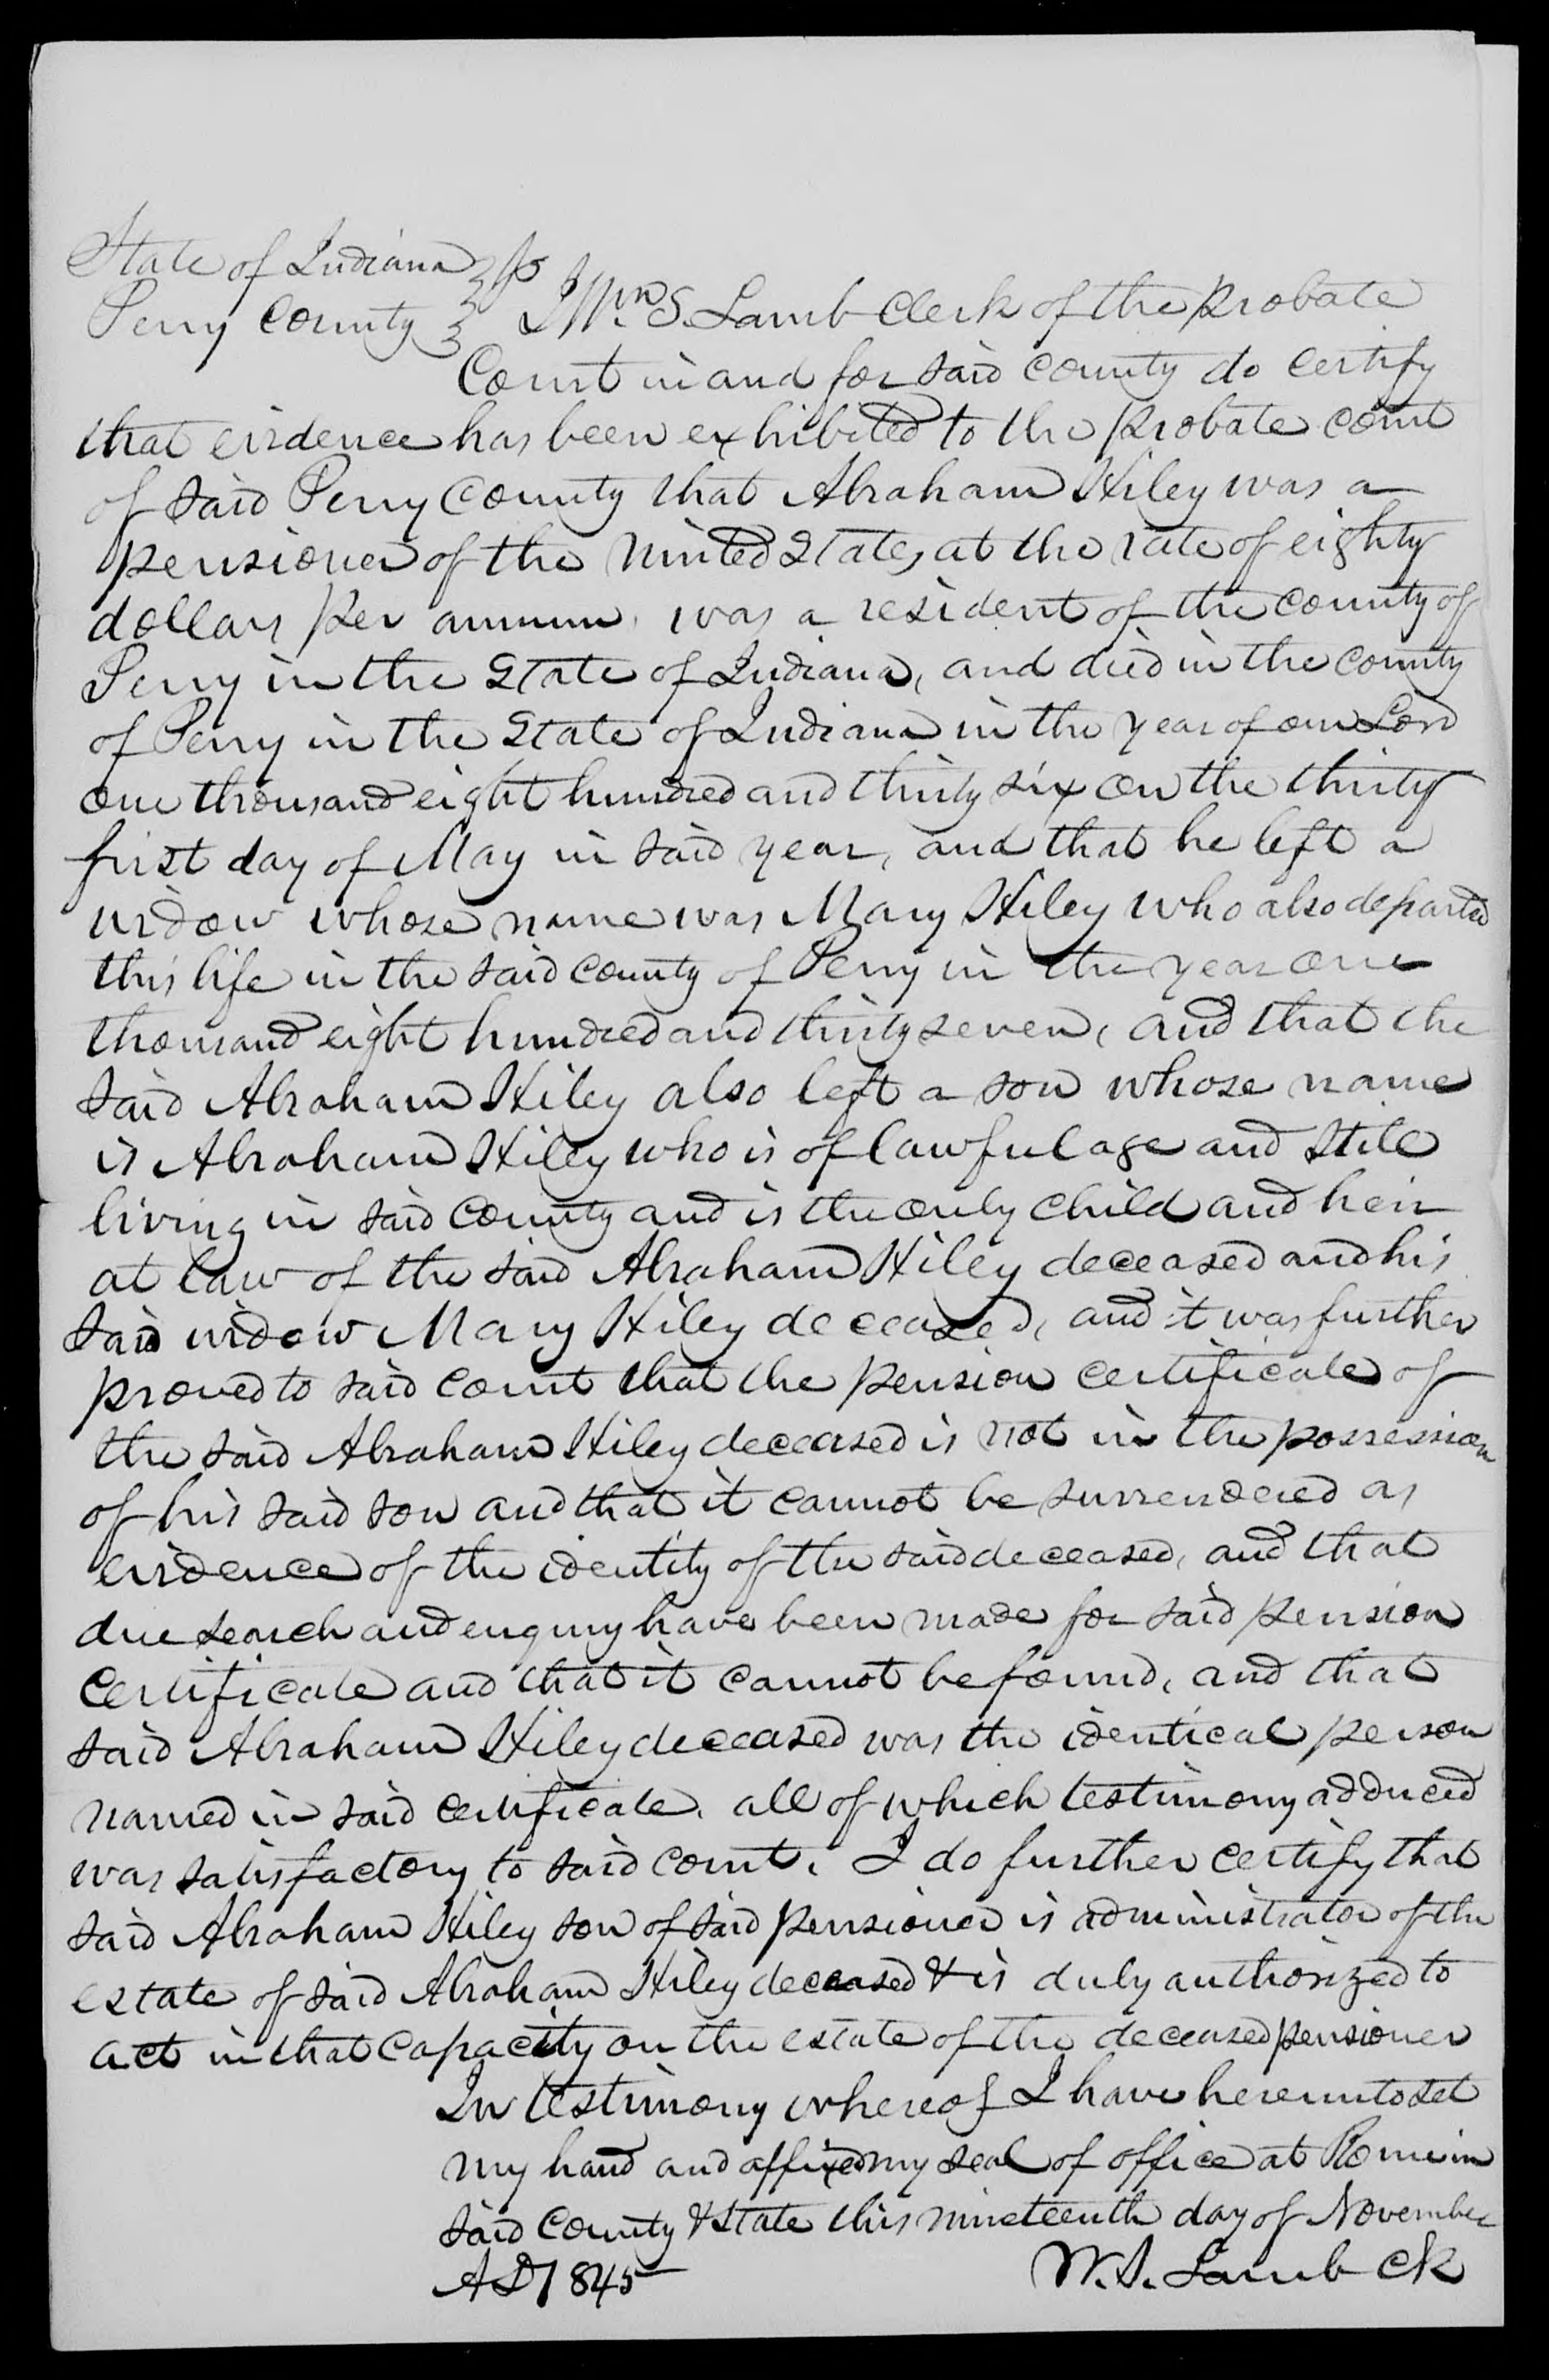State of Indiana
Perry County

I Wm S. Lamb Clerk of the Probate Court in and for said county do certify that evidence has been exhibited to the probate court of said Perry County that Abraham Hiley was a pensioner of the United States, at the rate of eighty dollars per annum, was a resident of the County of Perry in the State of Indiana, and died in the County of Perry in the State of Indiana in the year of our Lord one thousand eight hundred and thirty six on the thirty first day of May in said year, and that he left a widow whose name was Mary Hiley who also departed this life in the said county of Perry in the year one thousand eight hundred and thirty seven, and that the said Abraham Hiley also left a son whose name is Abraham Hiley who is of lawful age and still living in said county and is the only child and heir at law of the said Abraham Hiley deceased and his said widow Mary Hiley deceased and it was further proved to said court that the pension certificate of the said Abraham Hiley deceased is not in the possession of his said son and that it cannot be surrendered as evidence of the identity of the said deceased, and that due search and inquiry have been made for said pension certificate and that it cannot be formed, and that said Abraham Hiley deceased was the identical person named in said certificate, all of which testimony adduced was satisfactory to said court.  I do further certify that said Abraham Hiley son of said pensioner is administrator of the estate of said Abraham Hiley deceased and is duly authorized to act in that capacity on the estate of the deceased pensioner

In testimony whereof I have hereunto set my hand and affixed my seal of office at [illegible] said county & state this nineteenth day of November A D 1945

W. S. Lamb Ck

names: Mary Hiley, Abraham Hiley, Mary Hiley, Abraham Hiley, W S Lamb, Abraham Hiley, Abraham Hiley, Abraham Hiley, Wm S Lamb, Abraham Hiley, Abraham Hiley, Abraham Hiley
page: 12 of 18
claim: survivor's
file: S. 31744, Abraham Hiley, Penn.